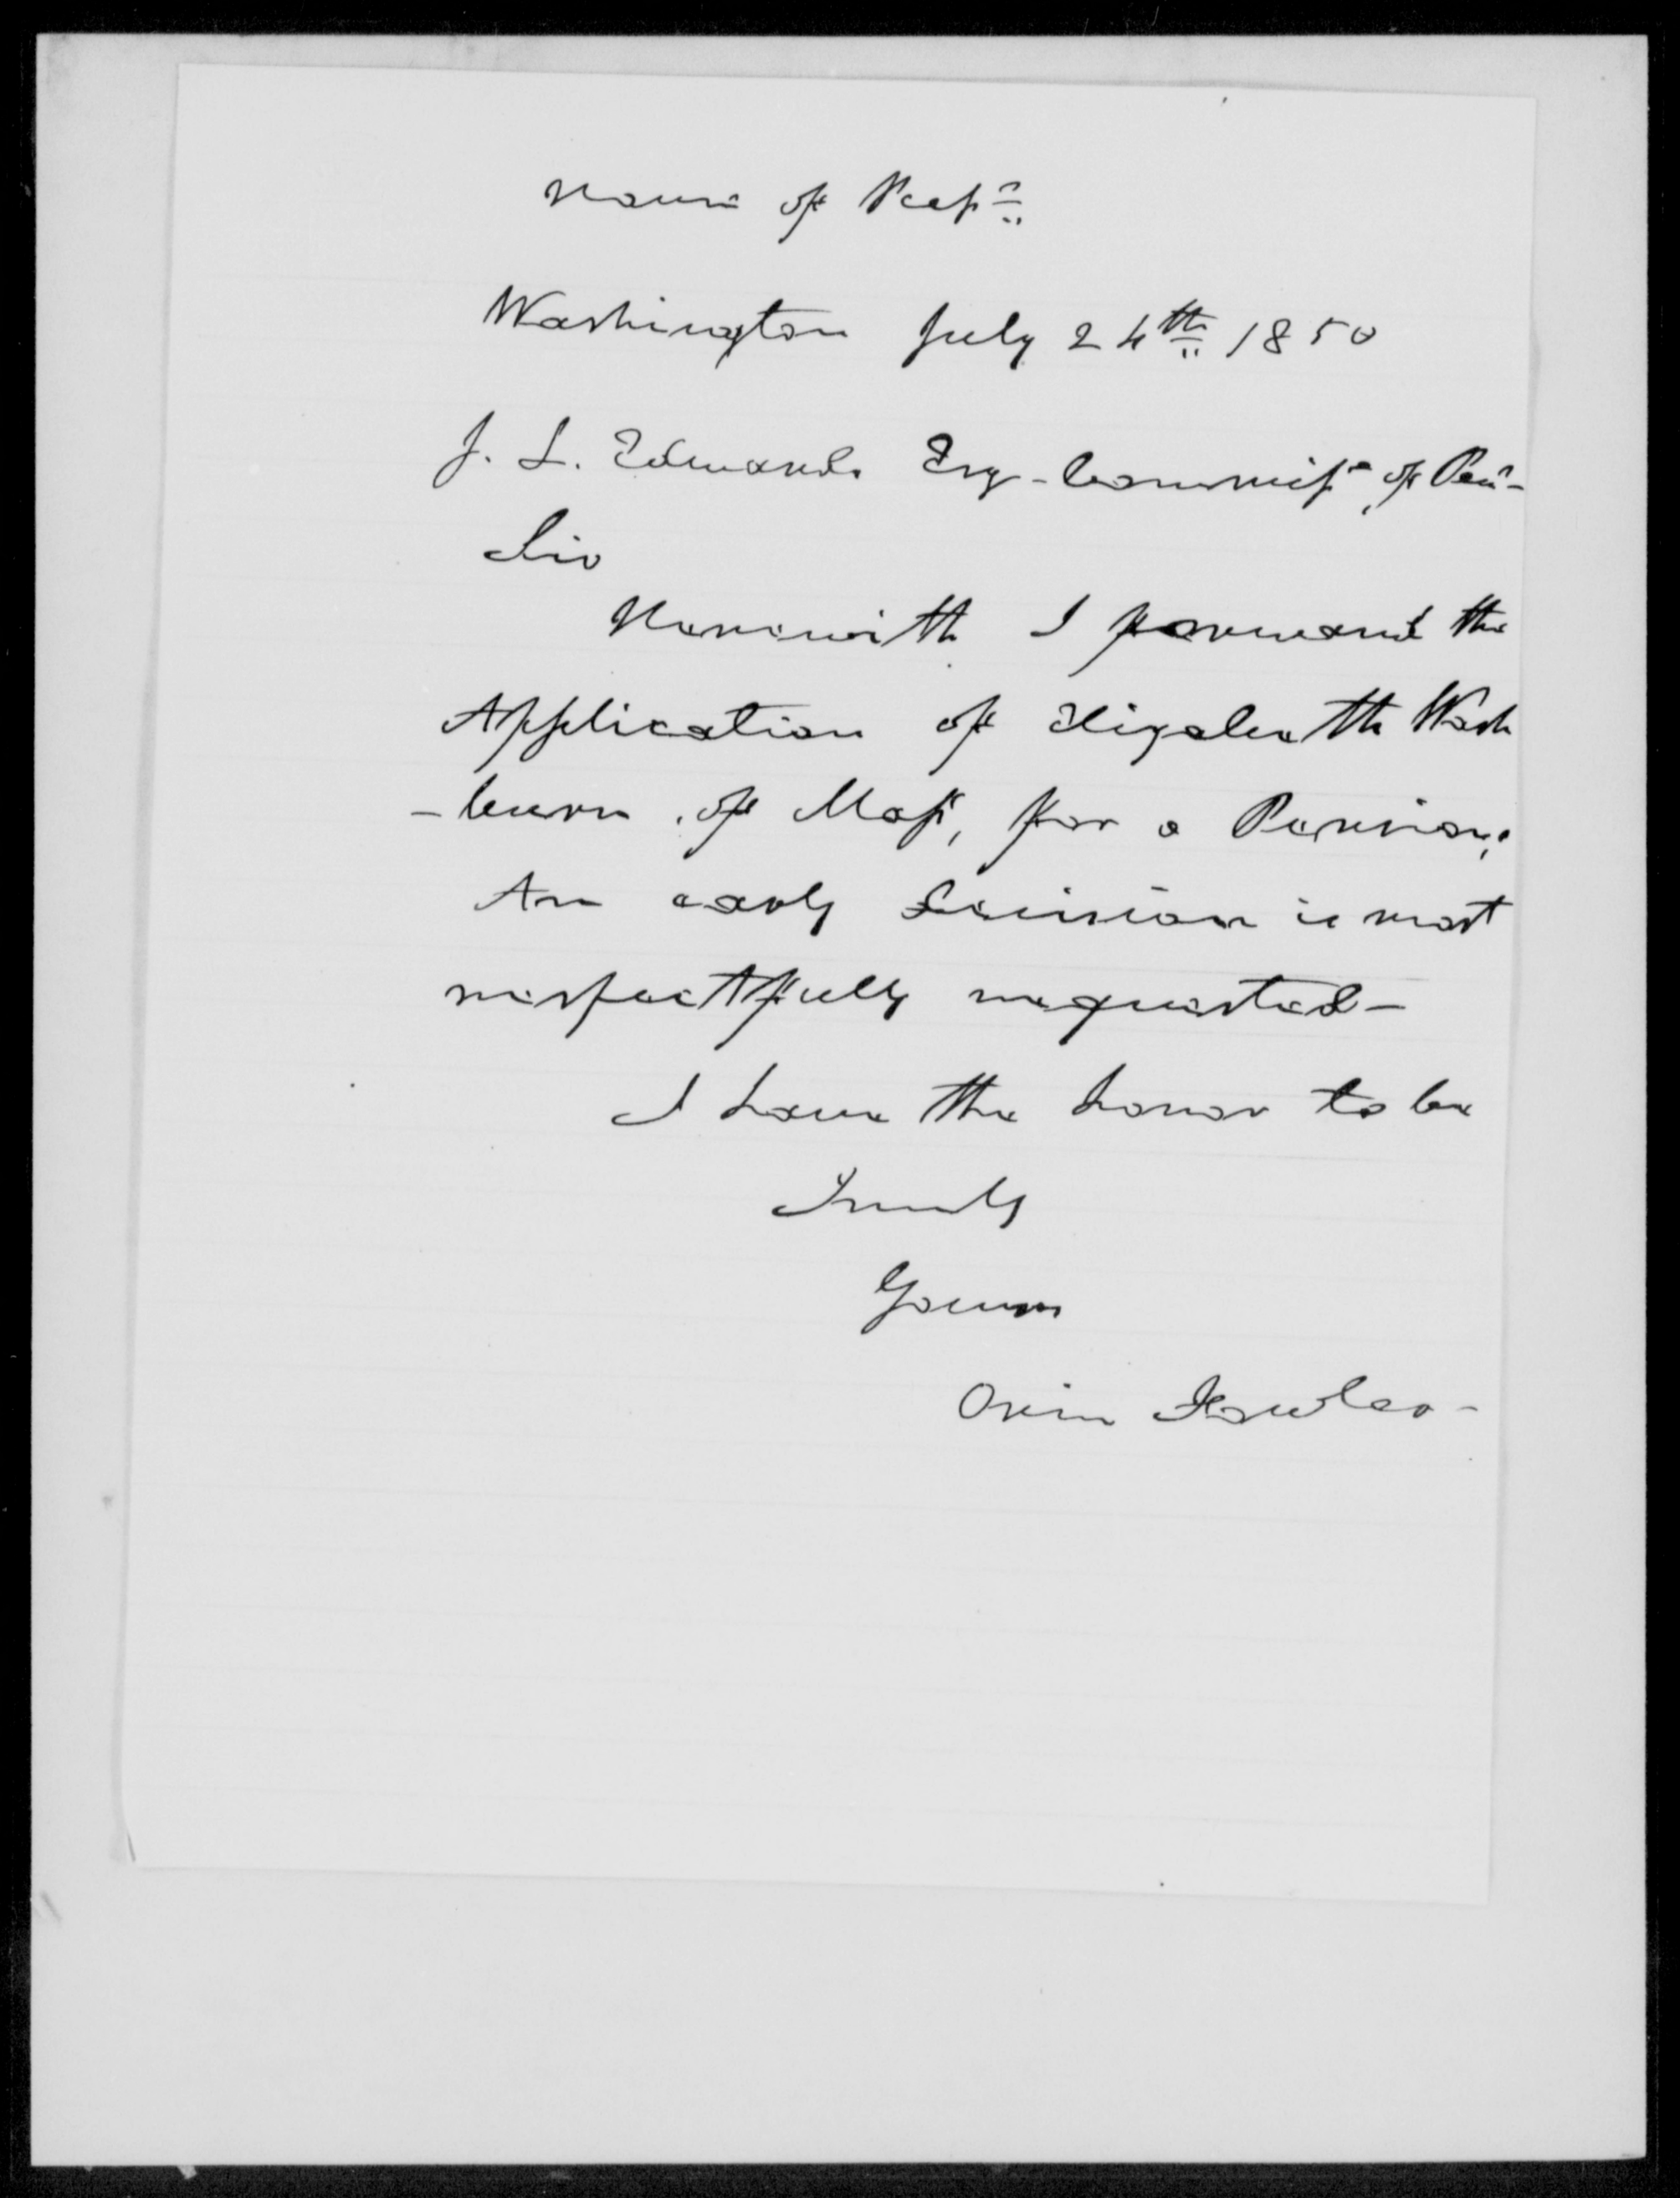House of Reps

Washington July 24th 1850

  J. L. Edwards Esq
           Commissioner of Pen”

Sir
  Herewith I present the application of  Elizabeth Washburn of Mass, for a pension.
  An early decision is most respectfully requested-
  I have the honor to be 

  Truly 
Yours
         Oliver Fowler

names: Oliver Fowler, J L Edwards, Elizabeth Washburn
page: 27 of 34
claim: widow's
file: W. 1677, Isaac Washburn, Mass.